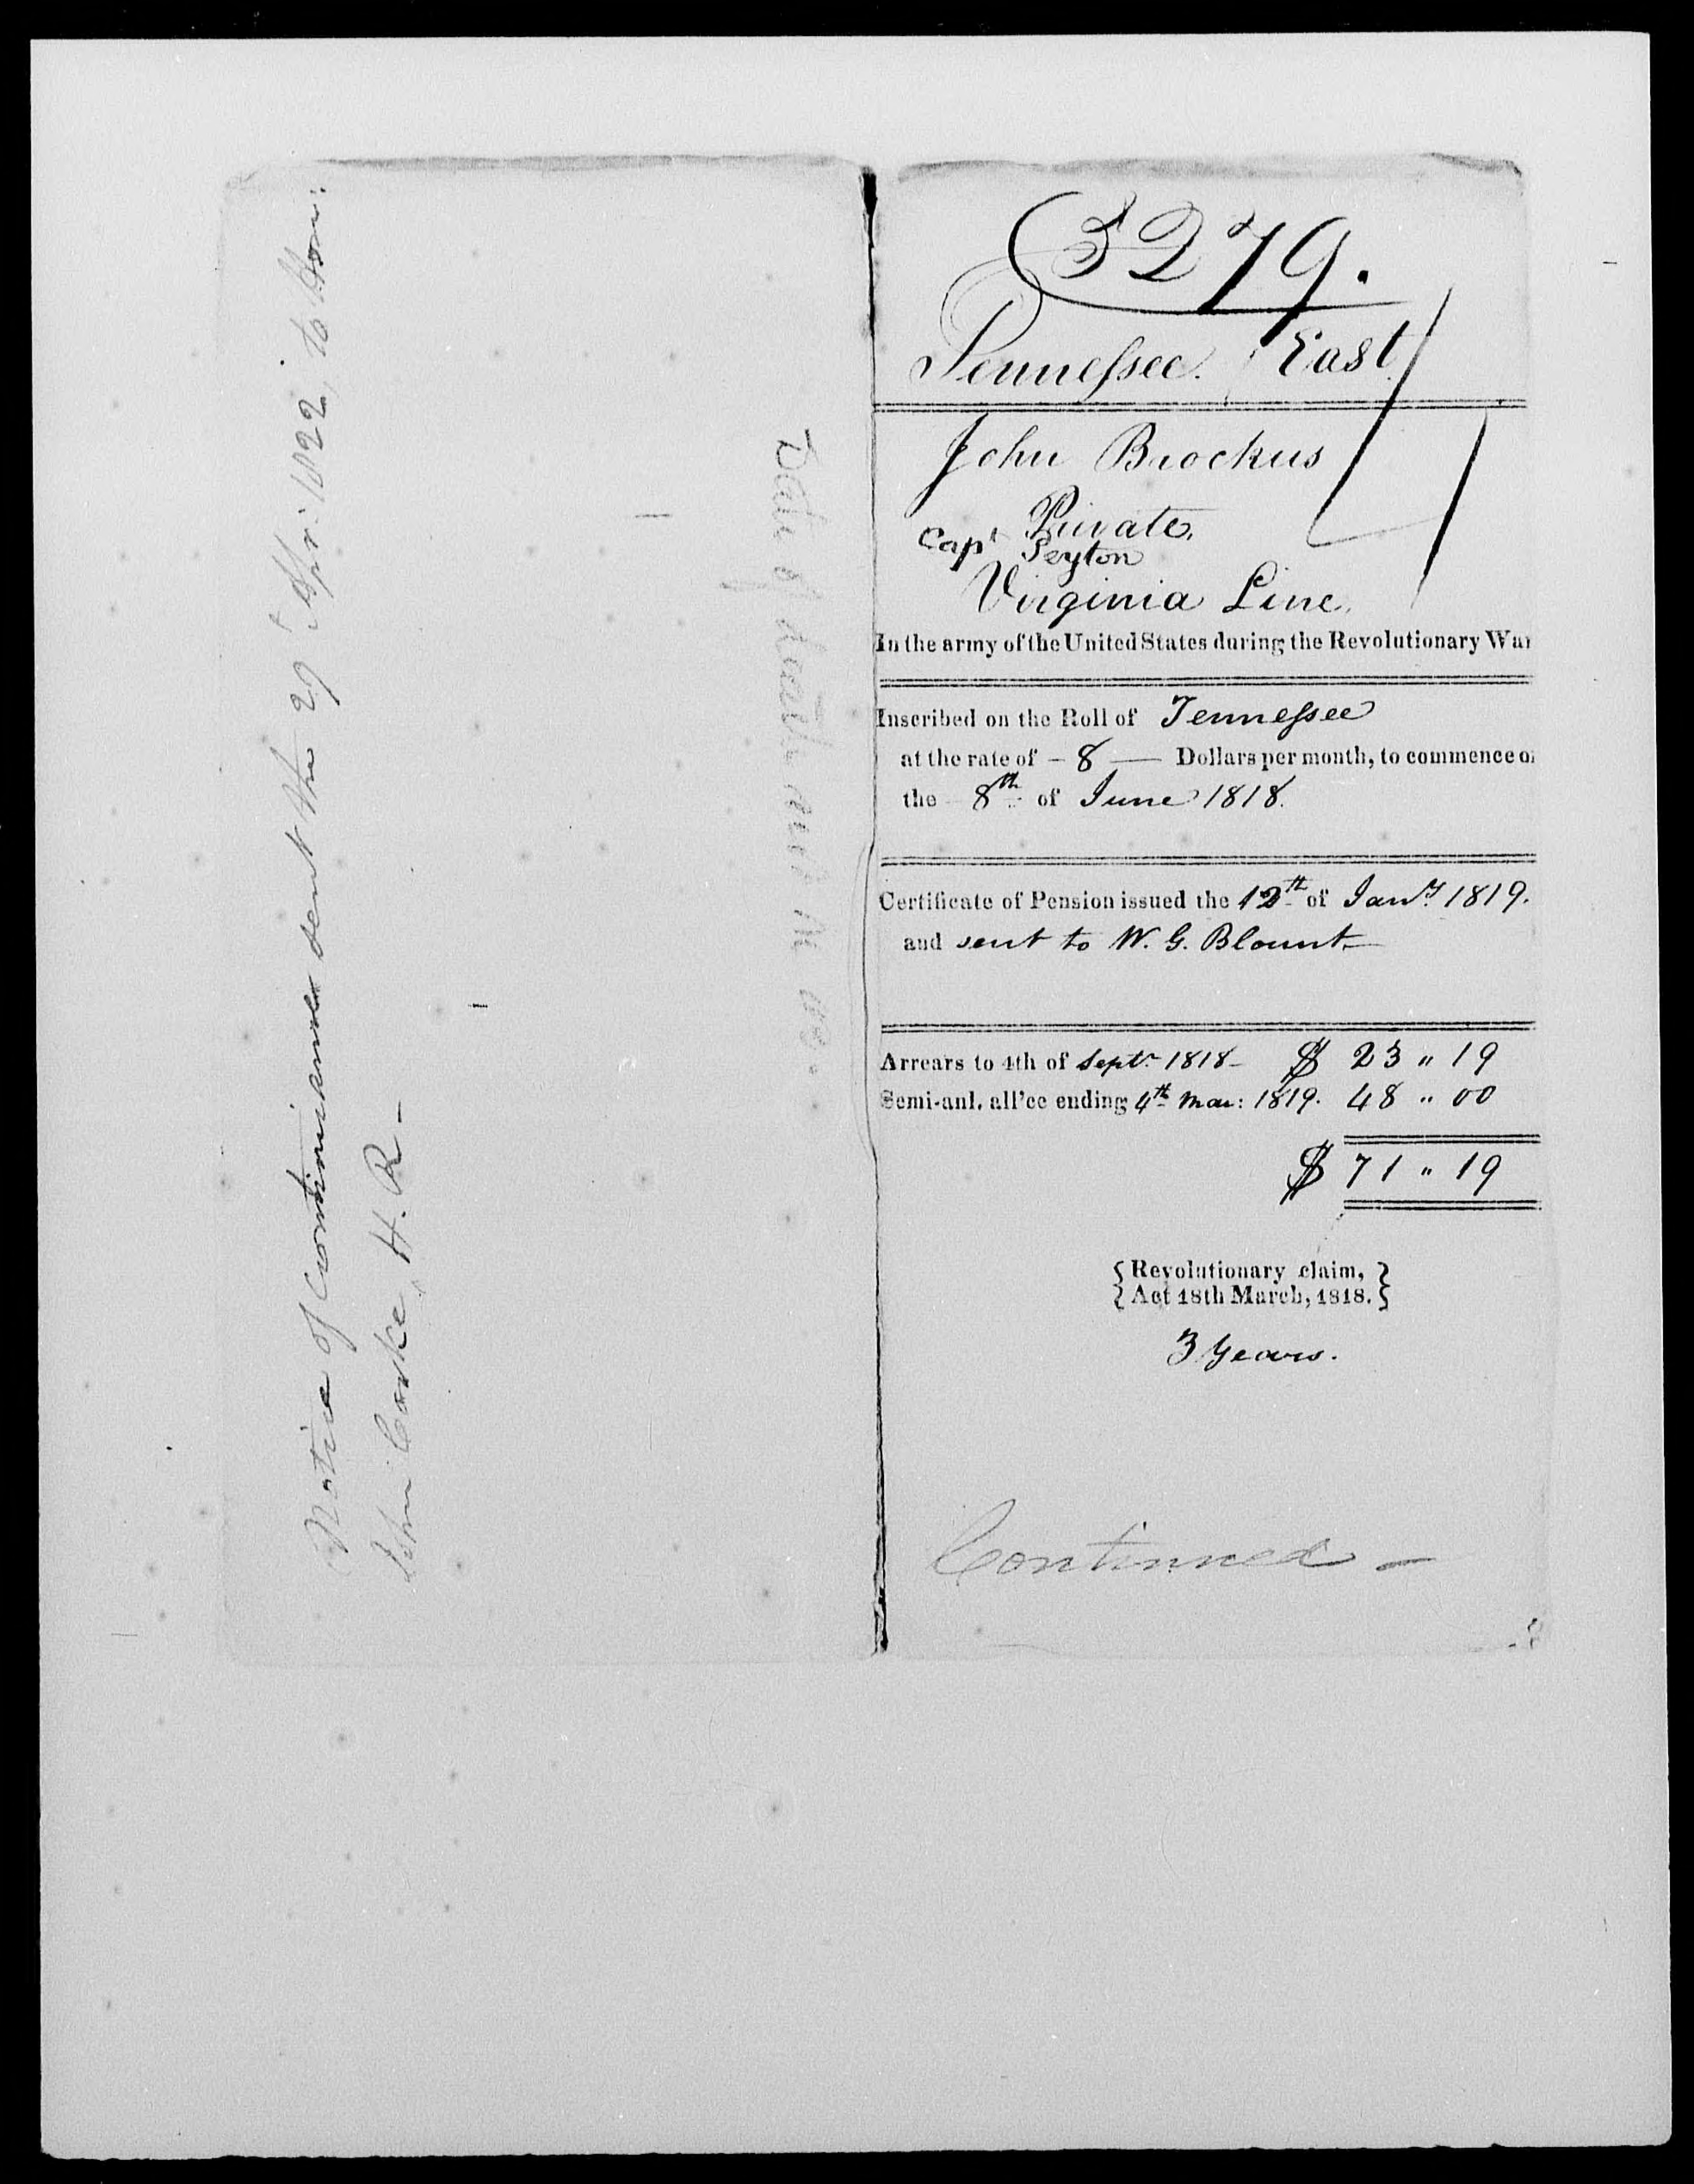Notice of Continuance sent the 29 of Apr. 1822. to [illegible]: John Cocke H.R-

3219.
Tennessee. East.
John Brockus
Private
Capt Peyton
Virginia Line
In the army of the United States during the Revolutionary War
Inscribed on the Roll of Tennessee
at the rate of - 8 - Dollars per month, to commence on the 8th of June 1818.
Certificate of Pension issued the 12th of Jan. 1819. and sent to W.G. Blount
Arrears to the 4th of Sept. 1818- $23,,19
Semi-anl, all'ee ending 4th Mar: 1819. 48,,00
$71,,19
{Revolutionary claim,
Act 18th March, 1818.}
3 Years.
Continual-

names: John Brockus, John Cocke, Peyton, W G Blount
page: 2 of 19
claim: survivor's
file: S. 39,224, John Brockus, Va.